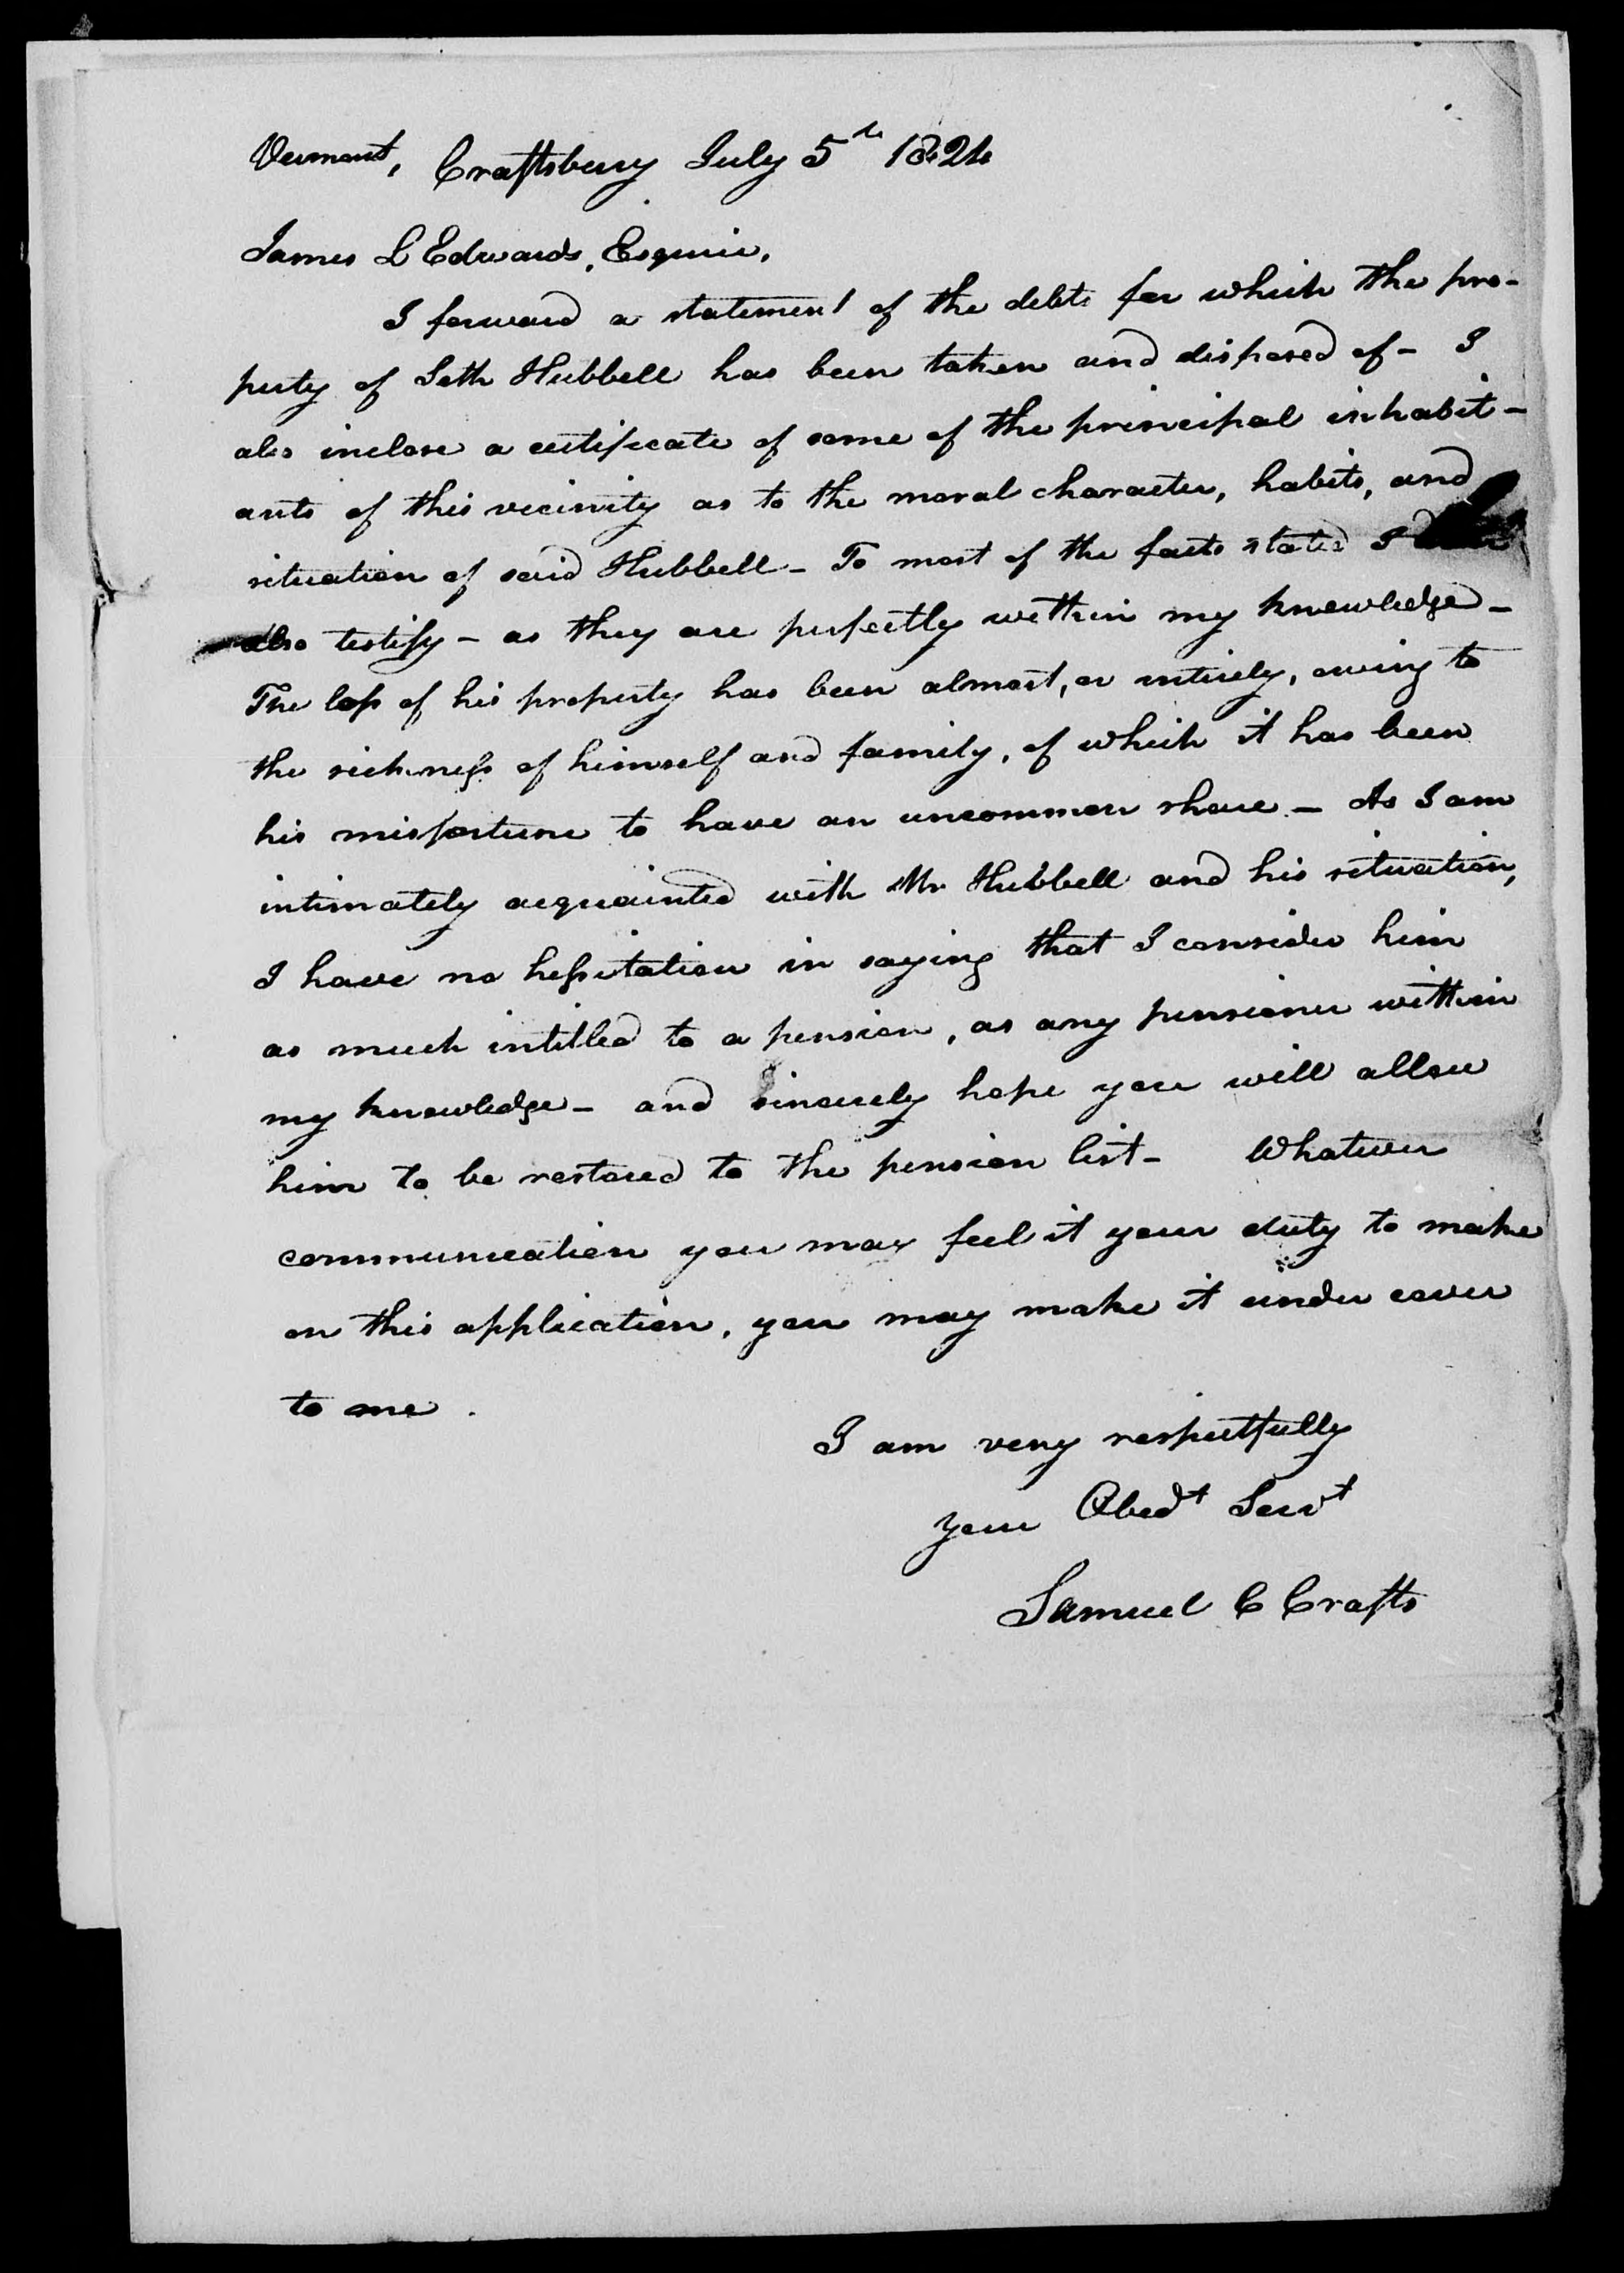Vermont, Graftsburg July 5th 1826
James L. Edwards, Esquire,
I forward a statement of the debt for which the property of Seth Hubbell has been taken and disposed of - & also include a certificate of some of the principal inhabitants of this vicinity as to the moral character, habits and situation of said Hubbell- To most of the facts states  &  {illegible} also testify as they are perfectly within my knowledge-The loss of his property has been almost, or entirely, owing to the richness of himself and family, of which it has been his misfortune to have an uncommon share- As I am intimately acquainted with Mr Hubbell and his situation, I have no hesitation in saying that I consider him as much entitled to a pension , as any pensioner within my knowledge- and sincerely hope you will allow him to be restored to the pension list- whatever communication you may feel it your duty to make on this application, you may make it under cover to me.
I am respectfully your Obedt Servt 
Samuel C. Crafts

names: Samuel C Crafts, Seth Hubbell, James L Edwards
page: 93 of 114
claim: widow's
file: W. 2115, Seth Hubbell, Conn.